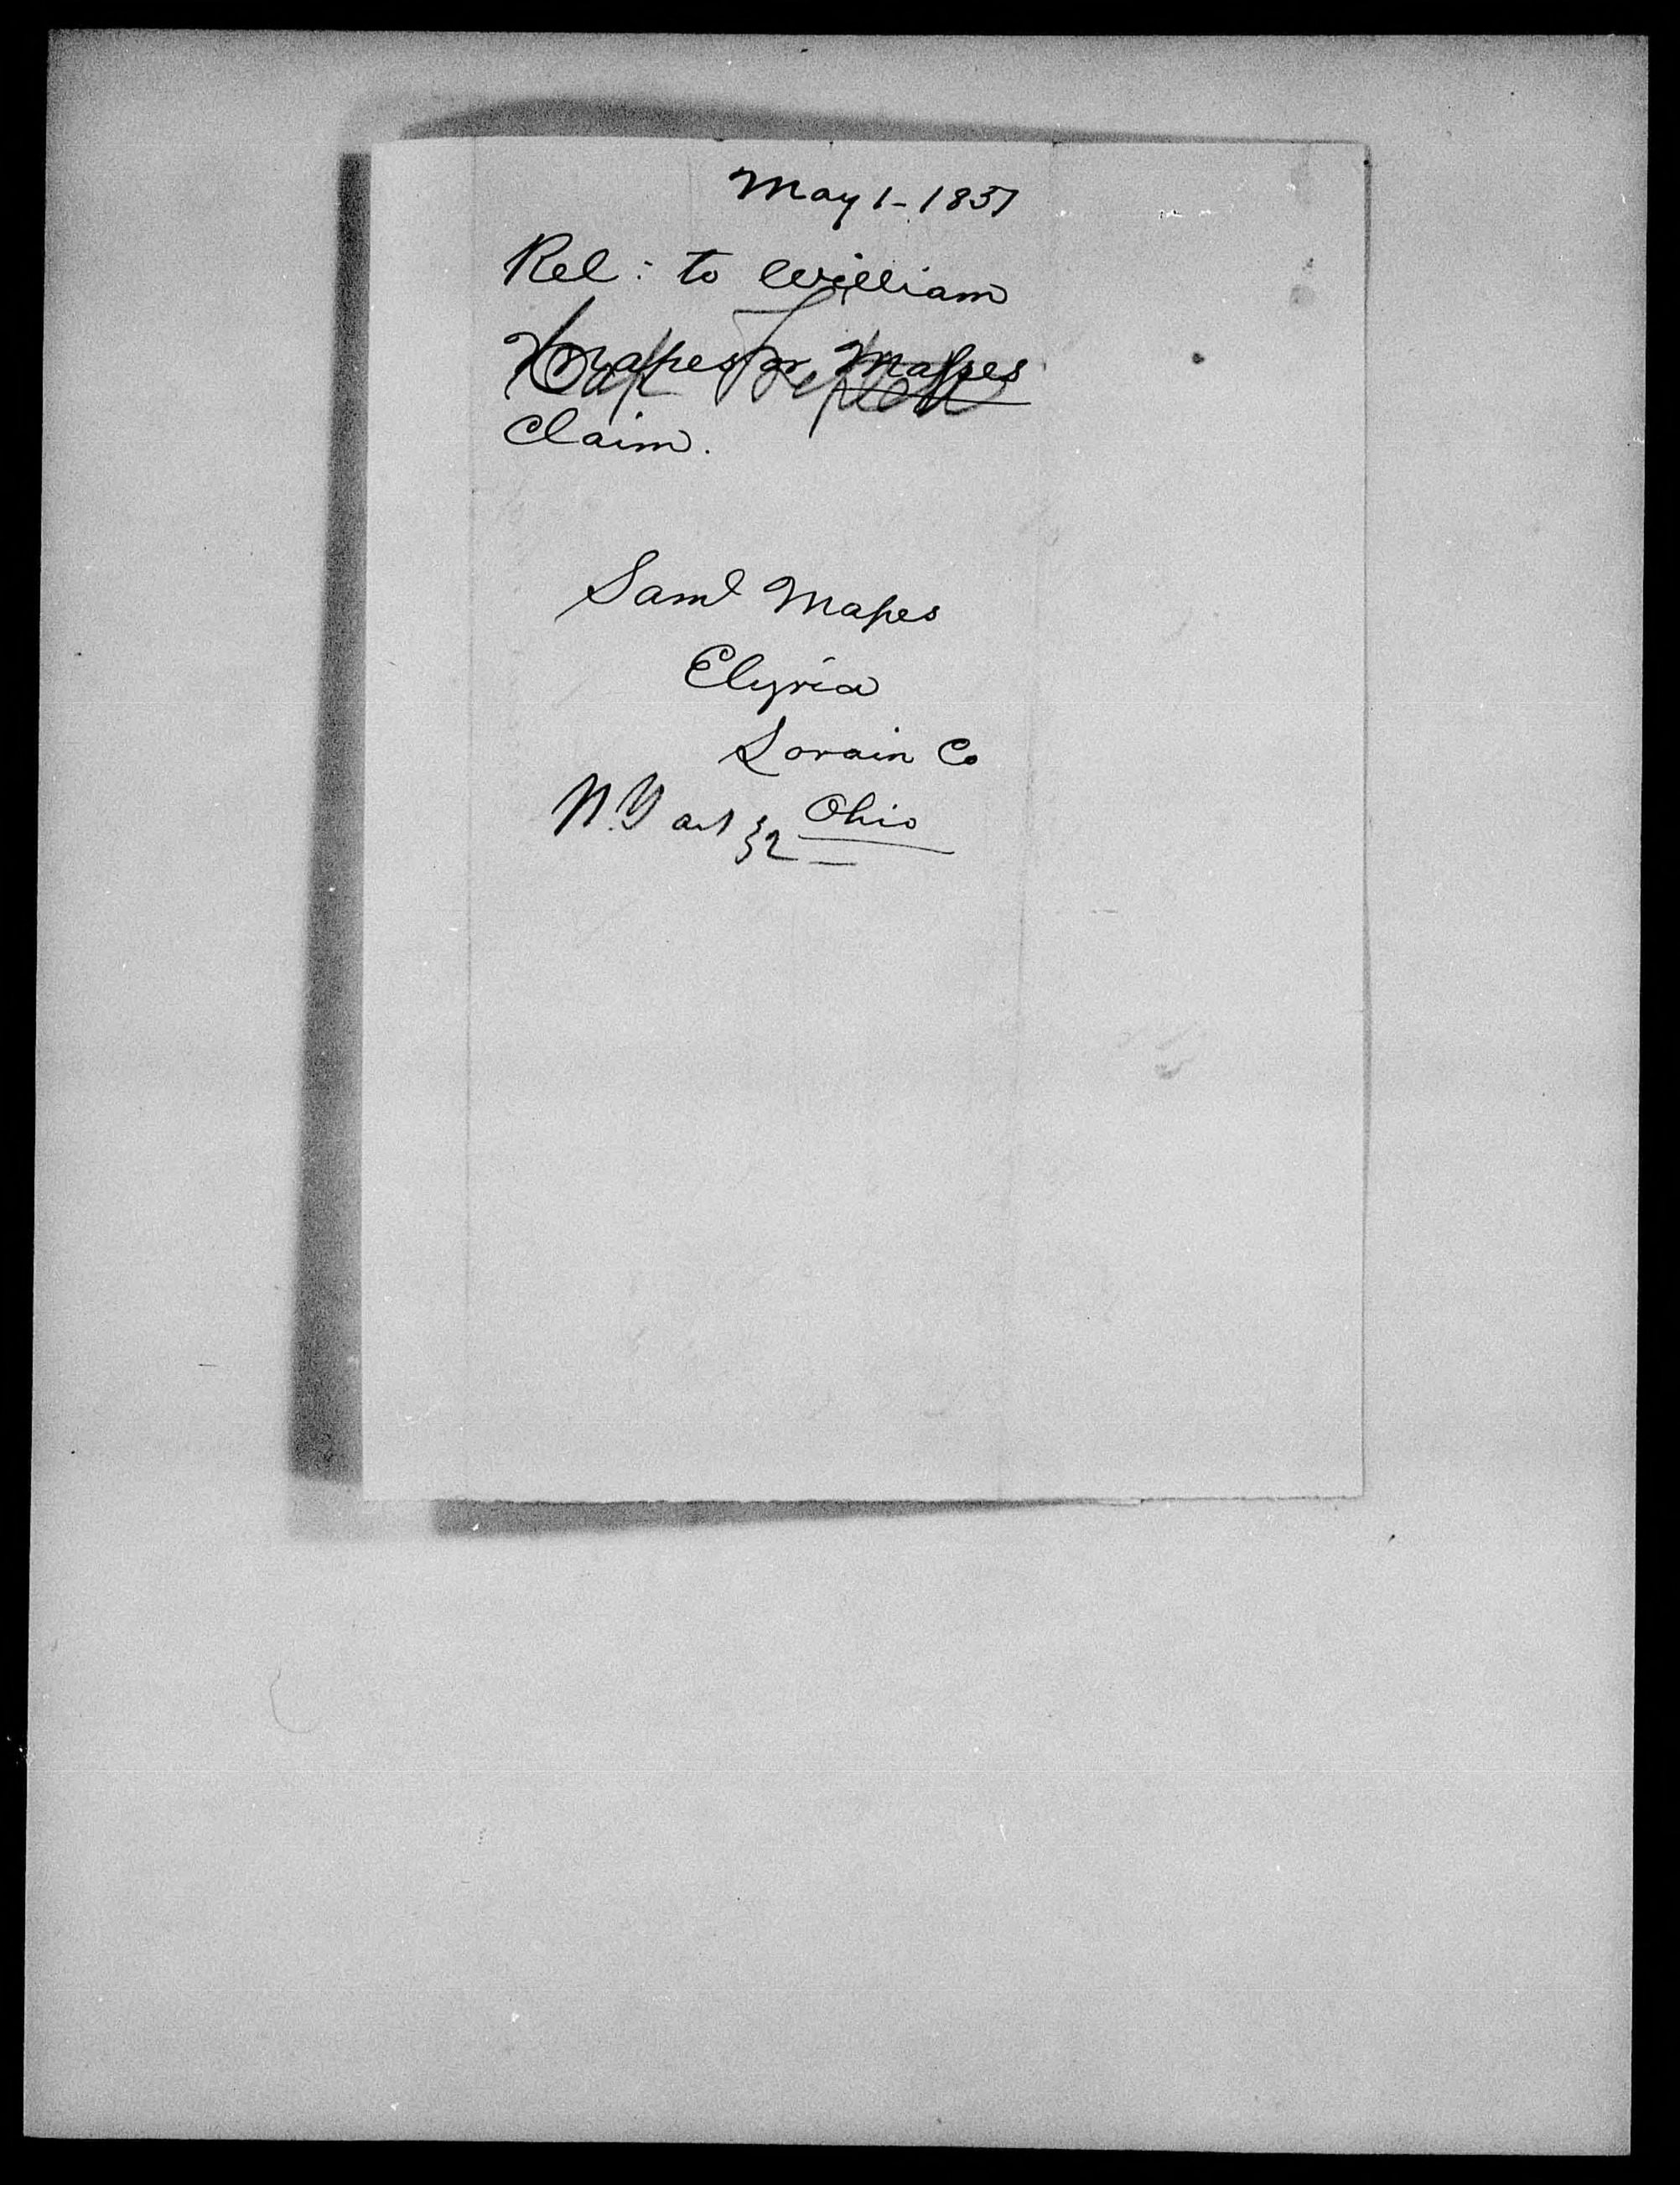May 1, 1837 

Rel: to William 
[crossed out]. Mapes or Masses 
claim


Saml Mapes 
Elyria 
Lorain Co
Ohio

N.Y. [illegible]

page: 29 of 30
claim: survivor's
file: S. 13,873, for William Mapes, New York